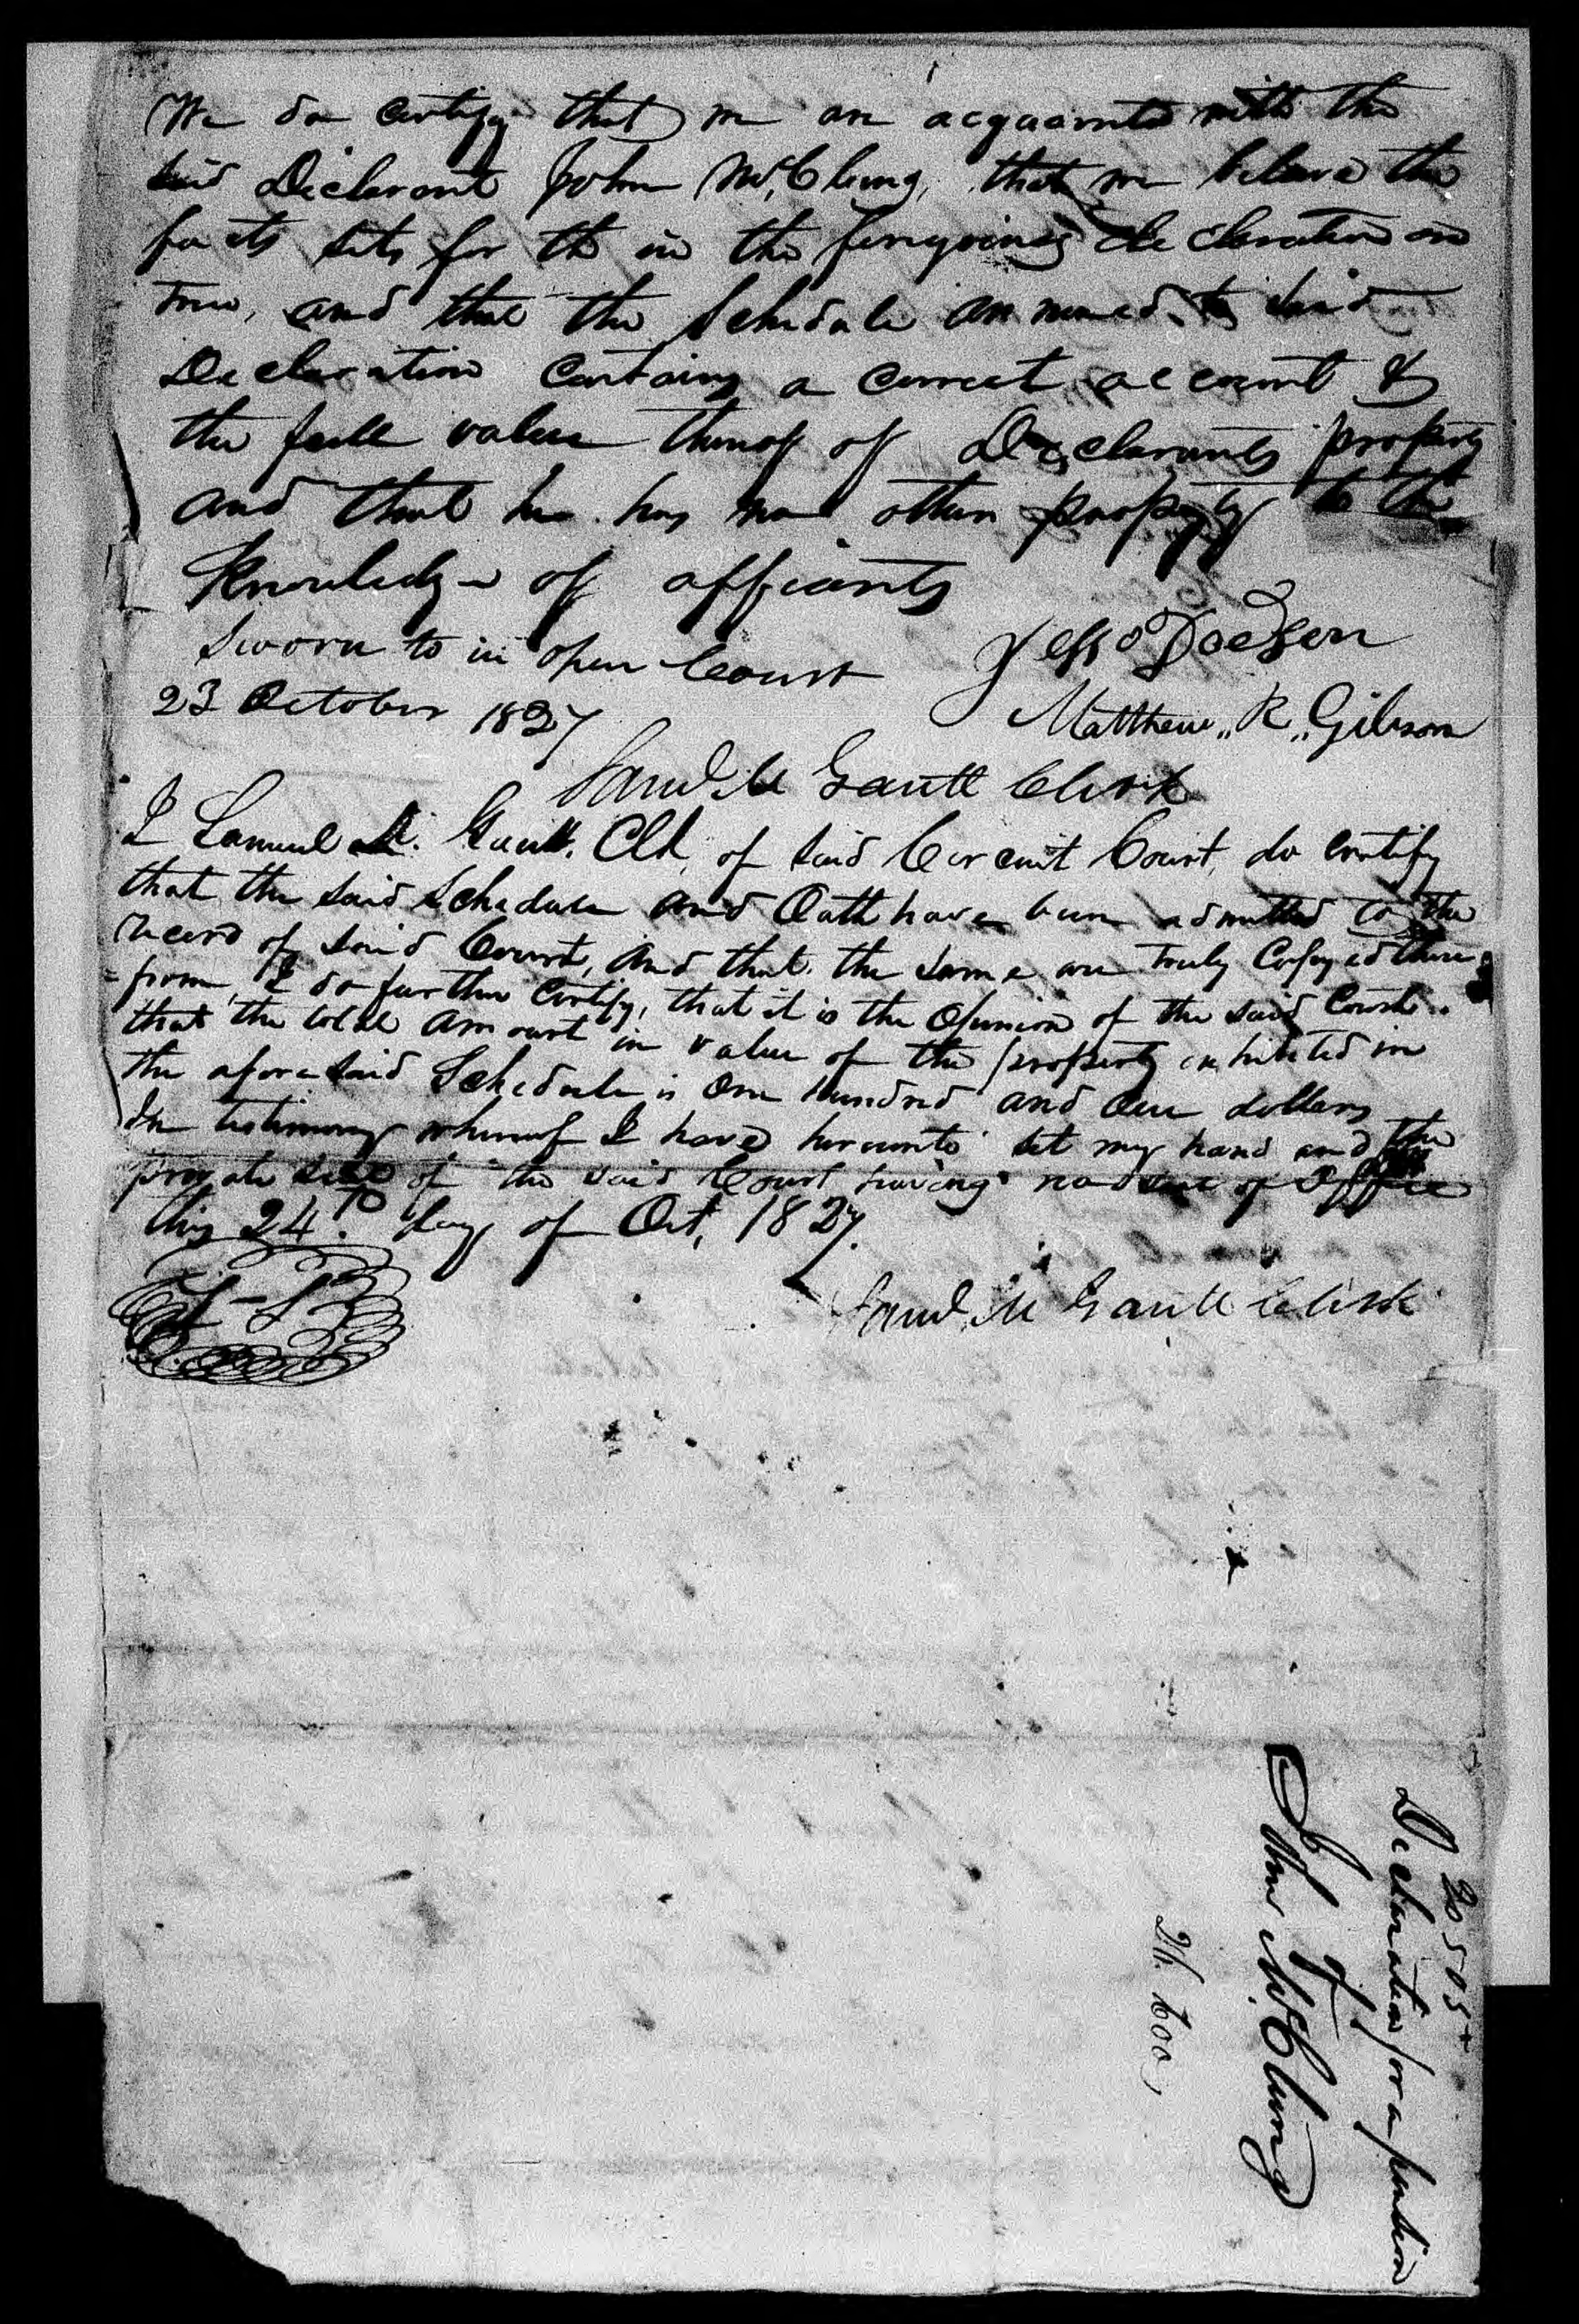We do certify that we are acquainted with the 
said Declarant John McClung, that we believe the 
facts set forth in the foregoing declaration are 
true, and that the Schedule annexed to said 
Declaration contains a correct account & 
the full value thereof of Declarant's property 
and that he has no other property to the 
knowledge of affiants
Sworn to in open Court | Jesse Dodgen
23 October 1827 | Matthew R Gibson
Saml M Gautt Clerk

I Samuel M. Gautt, Clk of said Circuit Court, do certify 
that the said Schedule and oath have been admitted to the 
record of said Court, and that the same are truly copyed [copied] there
from. I do further certify, that it is the opinion of the said Court 
that the total amount in value of the property exhibited in 
the aforesaid Schedule is one hundred and one dollars 
In testimony whereof I have hereunto set my hand and the 
private seal of the said Court having no seal of office 
this 24th day of Oct. 1827
[LS encircled] Saml M Gautt Clerk

[Written vertically right margin]

20505
Declaration for a pension
John McClung
26. [illegible]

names: Matthew R Gibson; Saml M Gautt; Jesse Dodgen; John Mc Clung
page: 24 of 115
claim: widow's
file: W. 1446, for John Mc Clung, South Carolina